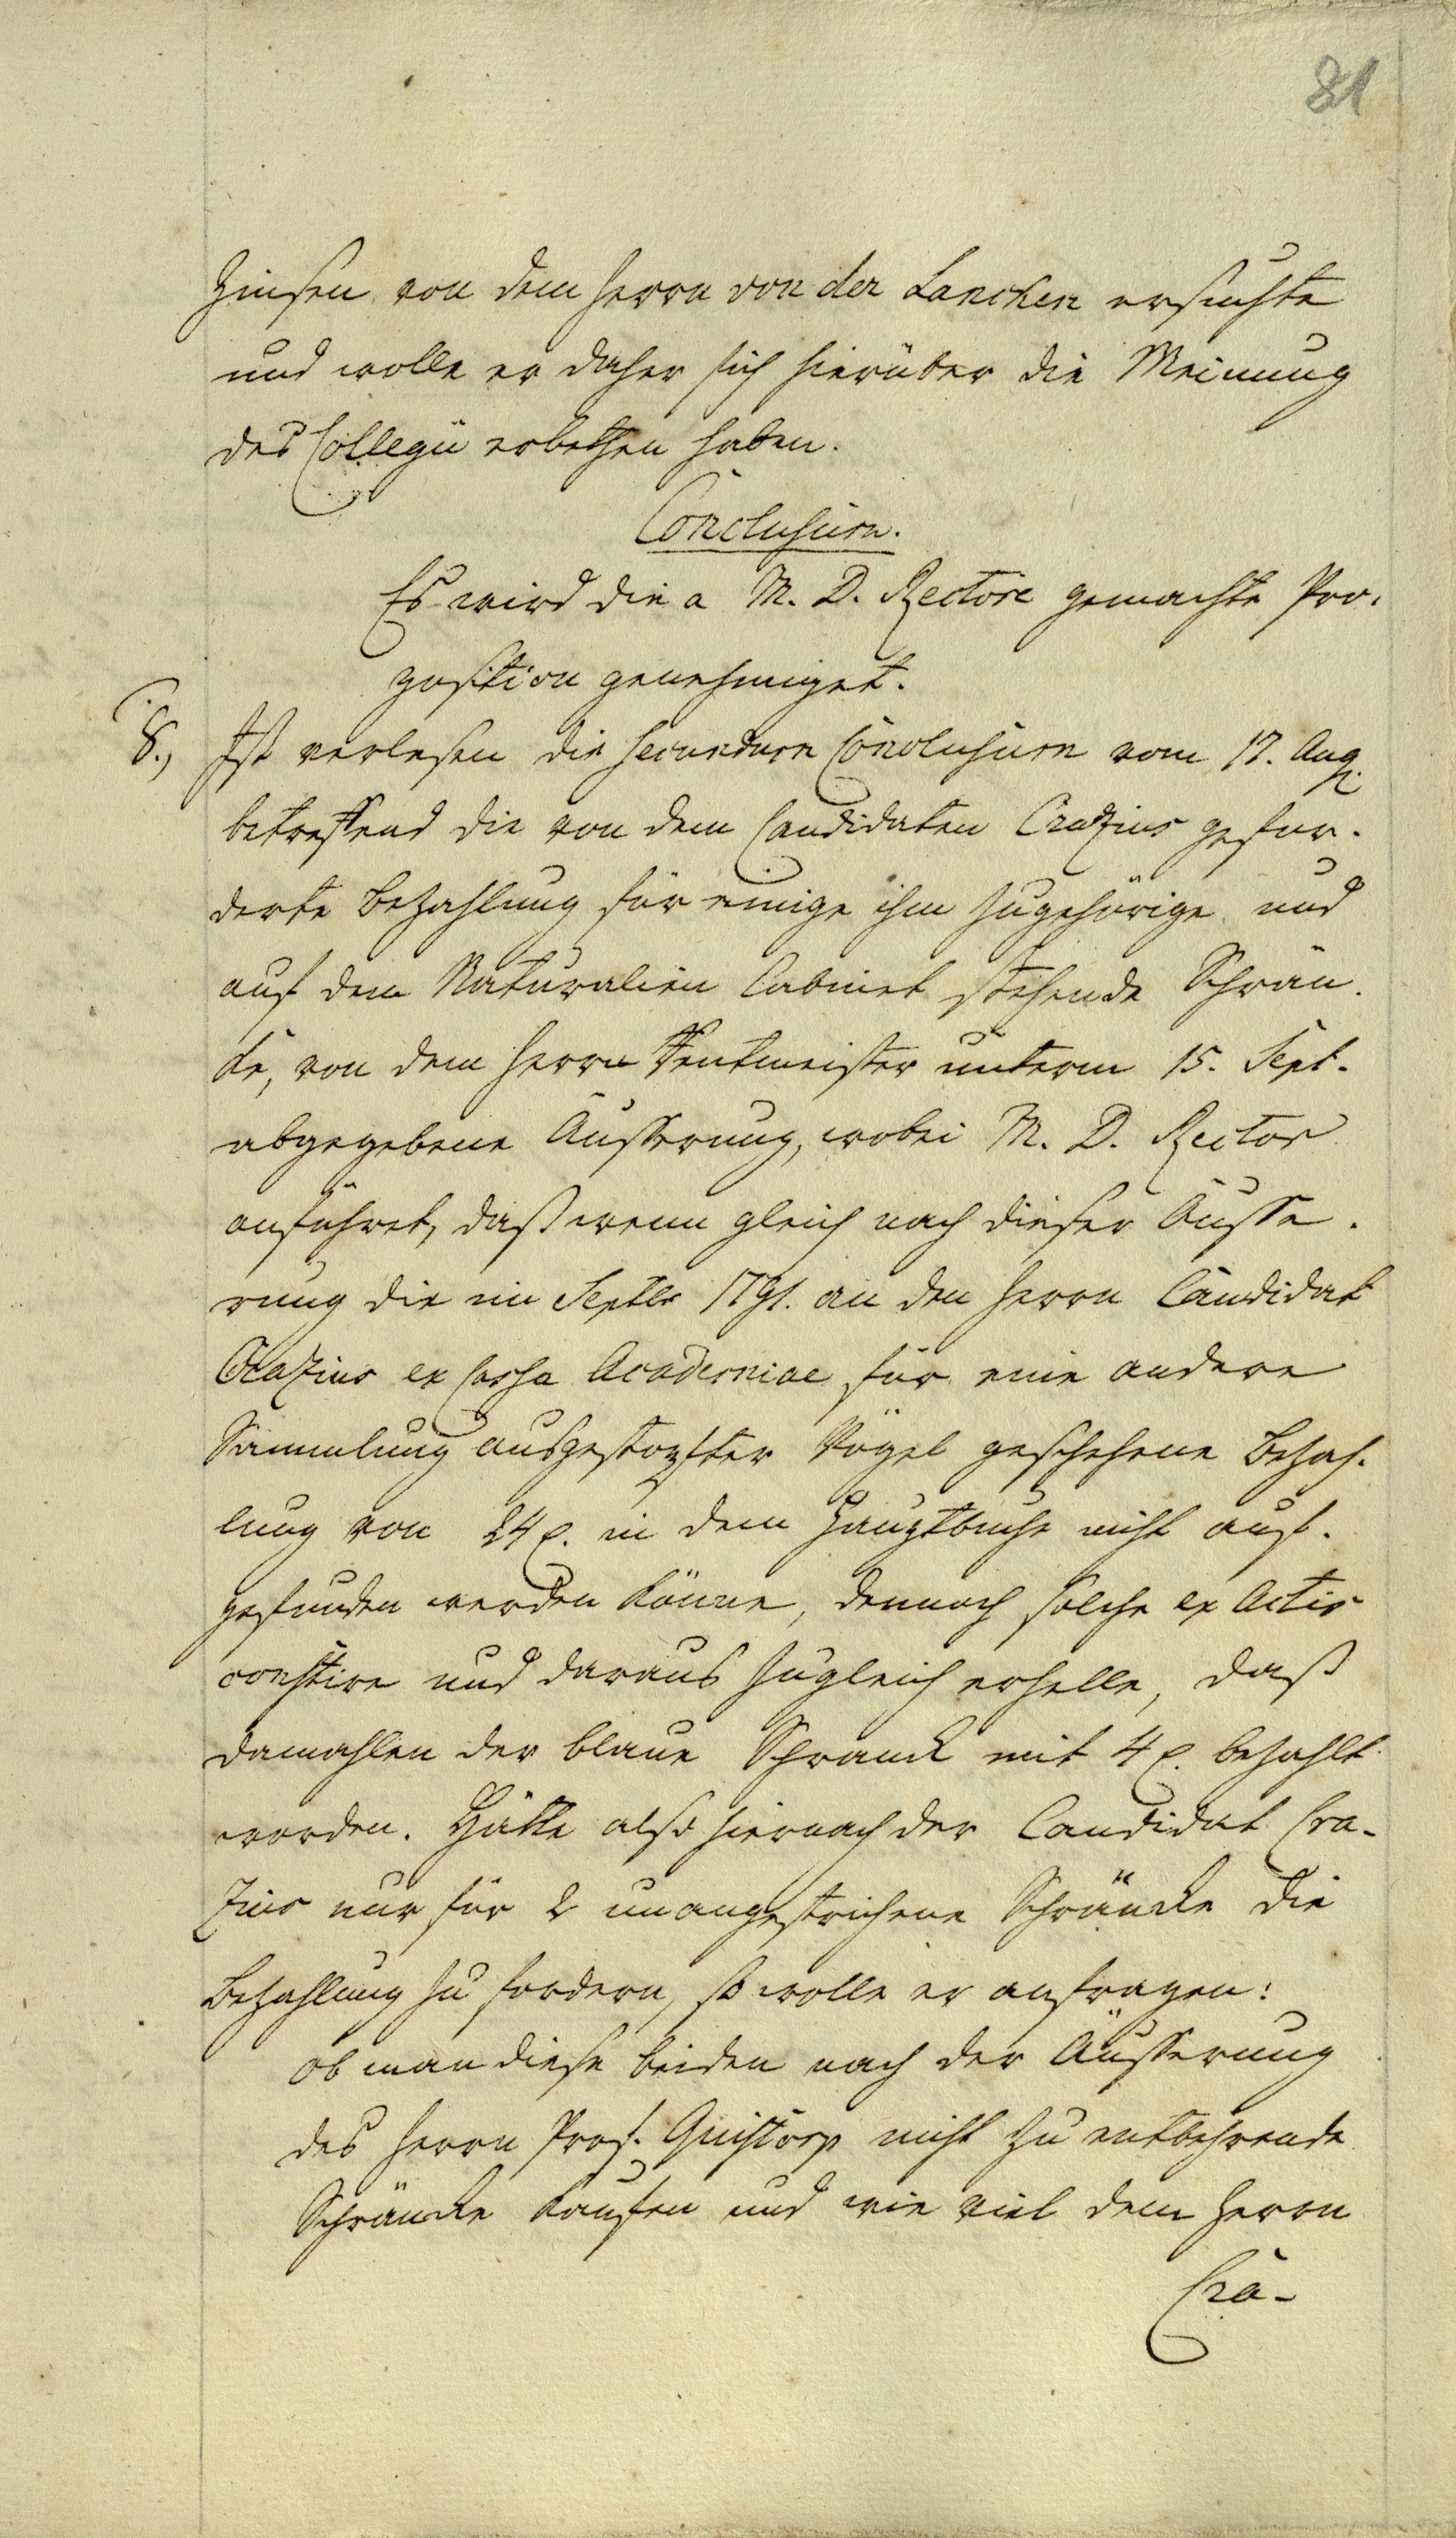Zinsen von dem Herrn von der Lancken ersuchte
und wolle er daher sich hierüber die Meinung
des Collegii erbethen haben.
Conclusum.
Es wird die a M. D. Rectore gemachte Prof¬
position genehmiget.
8., Ist verlesen die secundum Conclusum vom 17. Aug.
betreffend die von dem Candidaten Crazius gefor¬
derte Bezahlung für einige ihm zugehörige und
auf dem Naturalien Cabinet stehende Schrän¬
ke, von dem Herrn Rentmeister unterm 15. Sept.
abgegebene Äusserung, wobei M. D. Rector
anführet, daß wenn gleich nach dieser Äusse¬
rung die im Septbr 1791. an den Herrn Candidat
Crazius ex Cassa Academiae für eine andere
Sammlung ausgestopfter Vogel geschehene Bezah¬
lung von 24 l. in dem Hauptbuche nicht auf¬
gefunden werden könne, dennoch solche ex Actis
constire und daraus zugleich erhelle, daß
damahlen der blaue Schranck mit 4 l. bezahlt
worden. Hätte also hiernach der Candidat Cra¬
zius nur für 2 unangestrichene Schräncke die
Bezahlung zu fordern, so wolle er anfragen:
ob man diese beiden nach der Äusserung
des Herrn Prof. Quistorp nicht zu entbehrende
Schräncke kaufen und wie viel dem Herrn
Cra¬